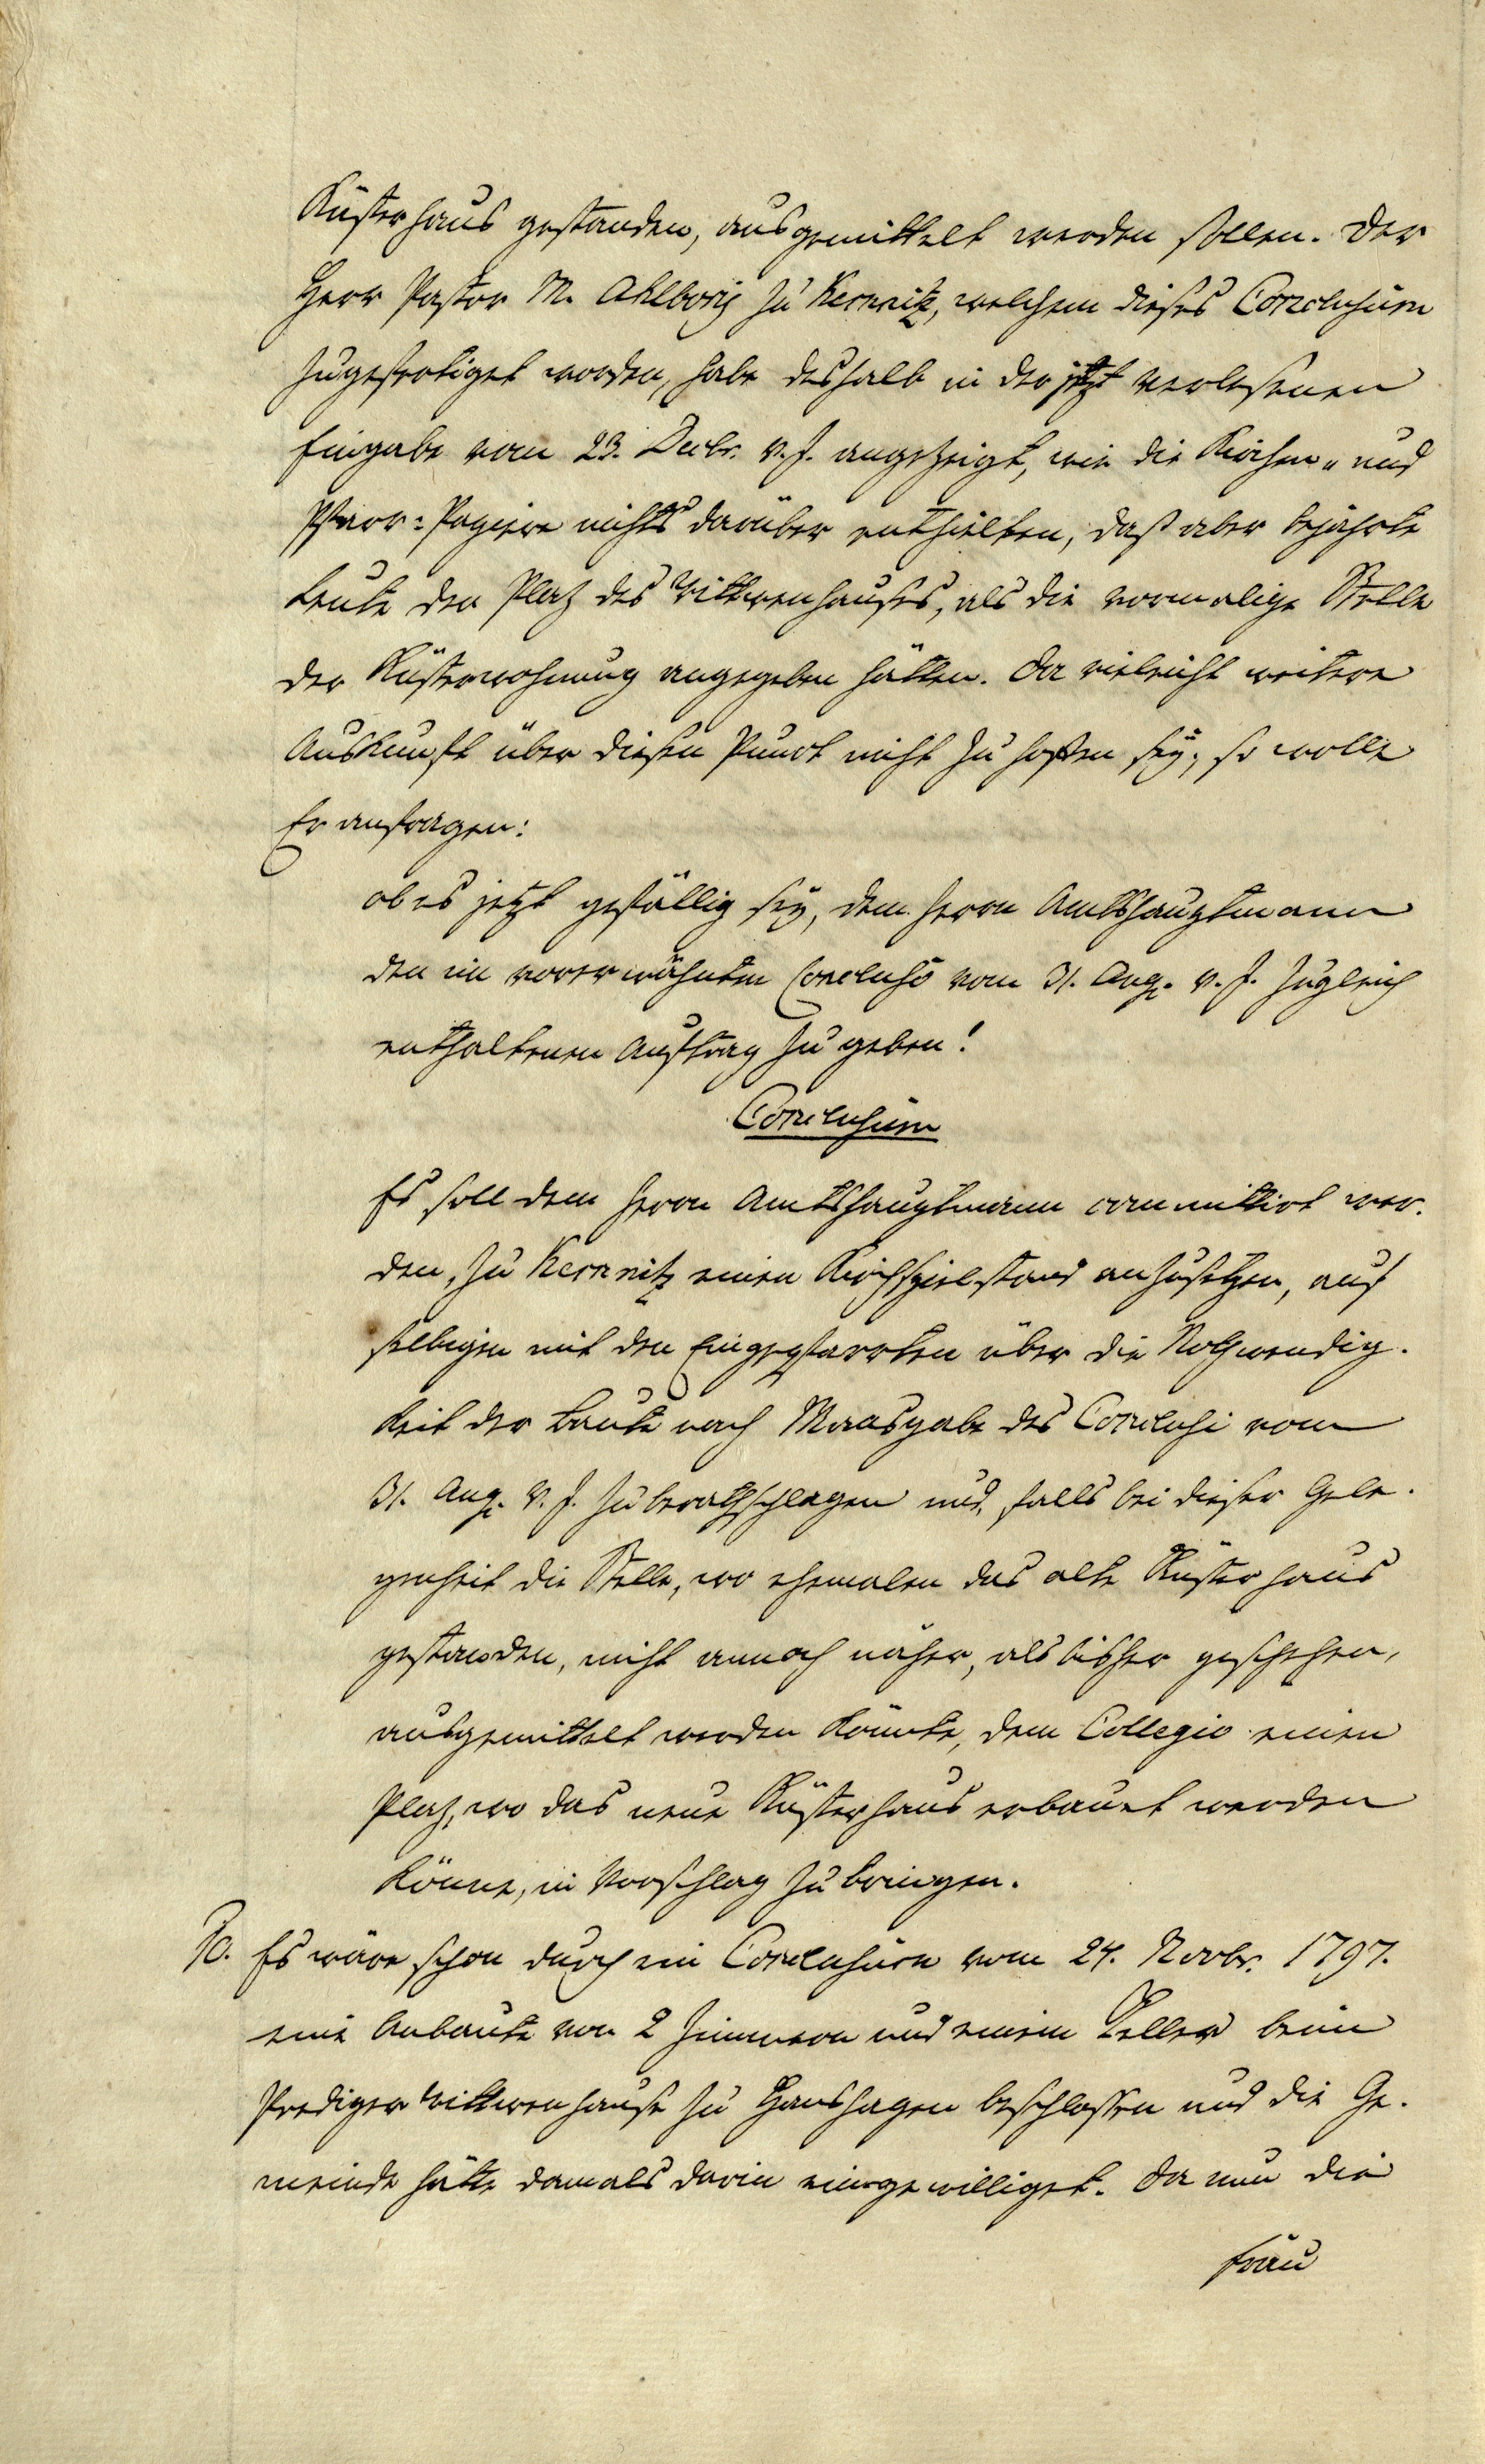Küsterhaus gestanden, ausgemittelt werden sollen. Der
Herr Pastor M. Ahlborÿ zu Kemnitz, welchem dieses Conclusum
zugefertiget worden, habe deshalb in der jetzt verlesenen
Eingabe vom 23. Decbr. v. J. angezeigt, wie die Kirchen- und
Pfarr-Papiere nichts darüber enthielten, daß aber bejahrte
Leute den Plaz des Wittwenhauses, als die vormalige Stelle
der Küsterwohnung angegeben hätten. Da vieleicht weitere
Auskunft über diesen Punct nicht zu hoffen seÿ; so wolle
Er anfragen:
ob es jetzt gefällig seÿ, dem Herrn Amtshauptmann
den im vorerwähnten Concluso vom 31. Aug. v. J. zugleich
enthaltenen Auftrag zu geben?
Conclusum
Es soll dem Herrn Amtshauptmann committirt wer¬
den, zu Kemnitz einen Kirchspielstand anzusetzen, auf
selbigen mit den Eingepfarrten über die Nothwendig¬
keit der Baute nach Maasgabe des Conclusi vom
31. Aug. v. J. zu berathschlagen und, falls bei dieser Gele¬
genheit die Stelle, wo ehemalen das alte Küsterhaus
gestanden, nicht annoch näher, als bisher geschehen,
ausgemittelt werden könnte, dem Collegio einen
Plaz, wo das neue Küsterhaus erbauet werden
könne, in Vorschlag zu bringen.
10. Es wäre schon durch ein Conclusum vom 24. Novbr. 1797.
eine Anbaute von 2 Zimmern und einem Keller beim
Prediger Wittwenhause zu Hanshagen beschlossen und die Ge¬
meinde hätte damals darin einigewilliget. Da nun die
Frau